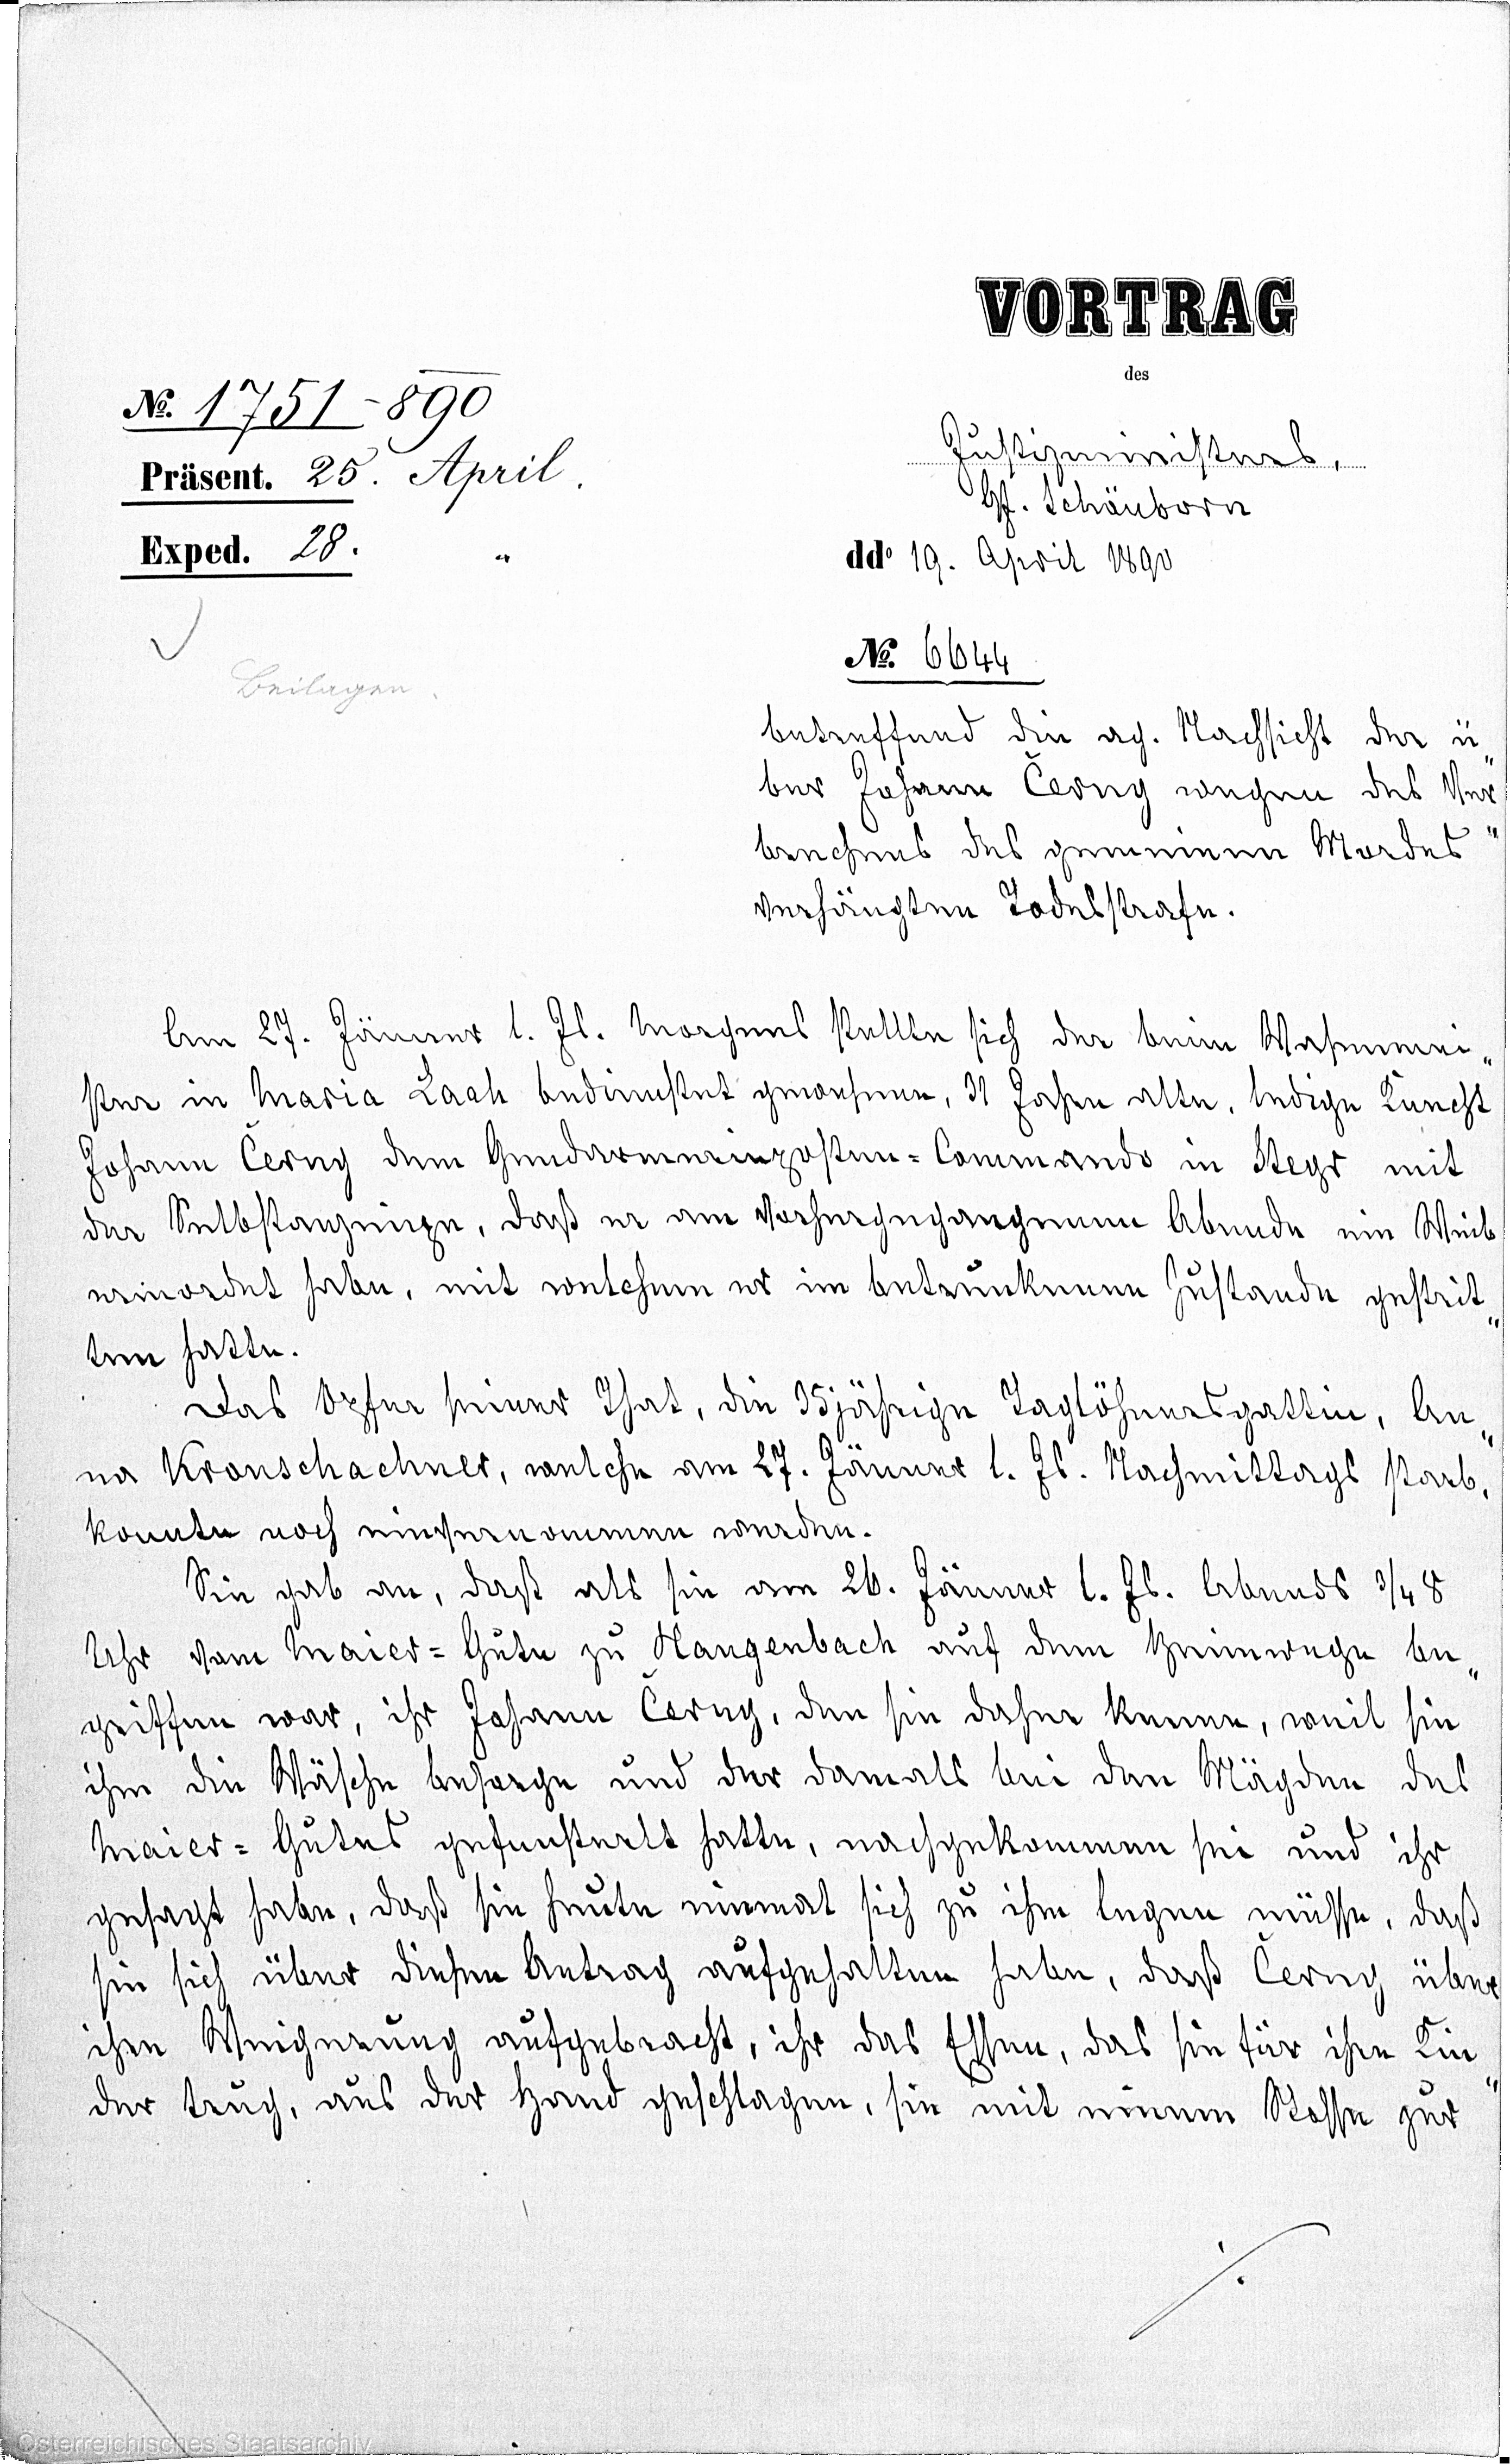VORTRAG
des
Justizministers
xx Schönborn
dd° 19. April 1890
N° 6644
betreffend die ag. Nachsicht der ü¬
ber Johann Černy wegen des Ver¬
brechens des gemeinen Mordes
verhängten Todesstrafe.
Am 27. Jänner. 1. Js. Morgens stellte sich der beim Wasenmei¬
ster in Maria Laah bedienstet gewesnen, 31 Jahre alte, ledige Knecht
Johann Černy dem Gendarmerieposten - Commando in Steyr mit
der Selbstanzeige, daß er am vorhergegangenen Abende ein Weib¬
xxeinordet habe, mit welchem er in betrunkenen Zustande gestrit¬
ten halle.
Das Opfer seiner That, die 35jährige Taglöhnersgattin, An¬
na Kronschachner, welche am 27. Jänner 1. Js. Nachmittags starb,
konnte noch einvernommen werden.
Sie gab an, daß als sie am 26. Jänner 1. Js. Abends 3/4 8
Uhr vom Maier - Gute zu Hangenbach auf dem Heimwege be¬
griffen war, ihr Johann Černy, den sie daher kenne, weil sie
ihm die Wäsche besorge und der damals bei den Mägden des
Maier - Gutes gefensterlt hatte, nachgekommen sei und ihr
gesagt habe, daß sie heute einmal sich zu ihm legen müsse, daß
sie sich über diesen Antrag aufgehalten habe, daß Černy über
ihre Weigerung aufgebracht, ihr das Essen, das sie für ihre Kin¬
der trug, aus der Hand geschlagen, sie mit einem Stoxxe zur
N° 1751 - 890
Präsent. 25. April.
Exped. 28. April.
Beilagen.